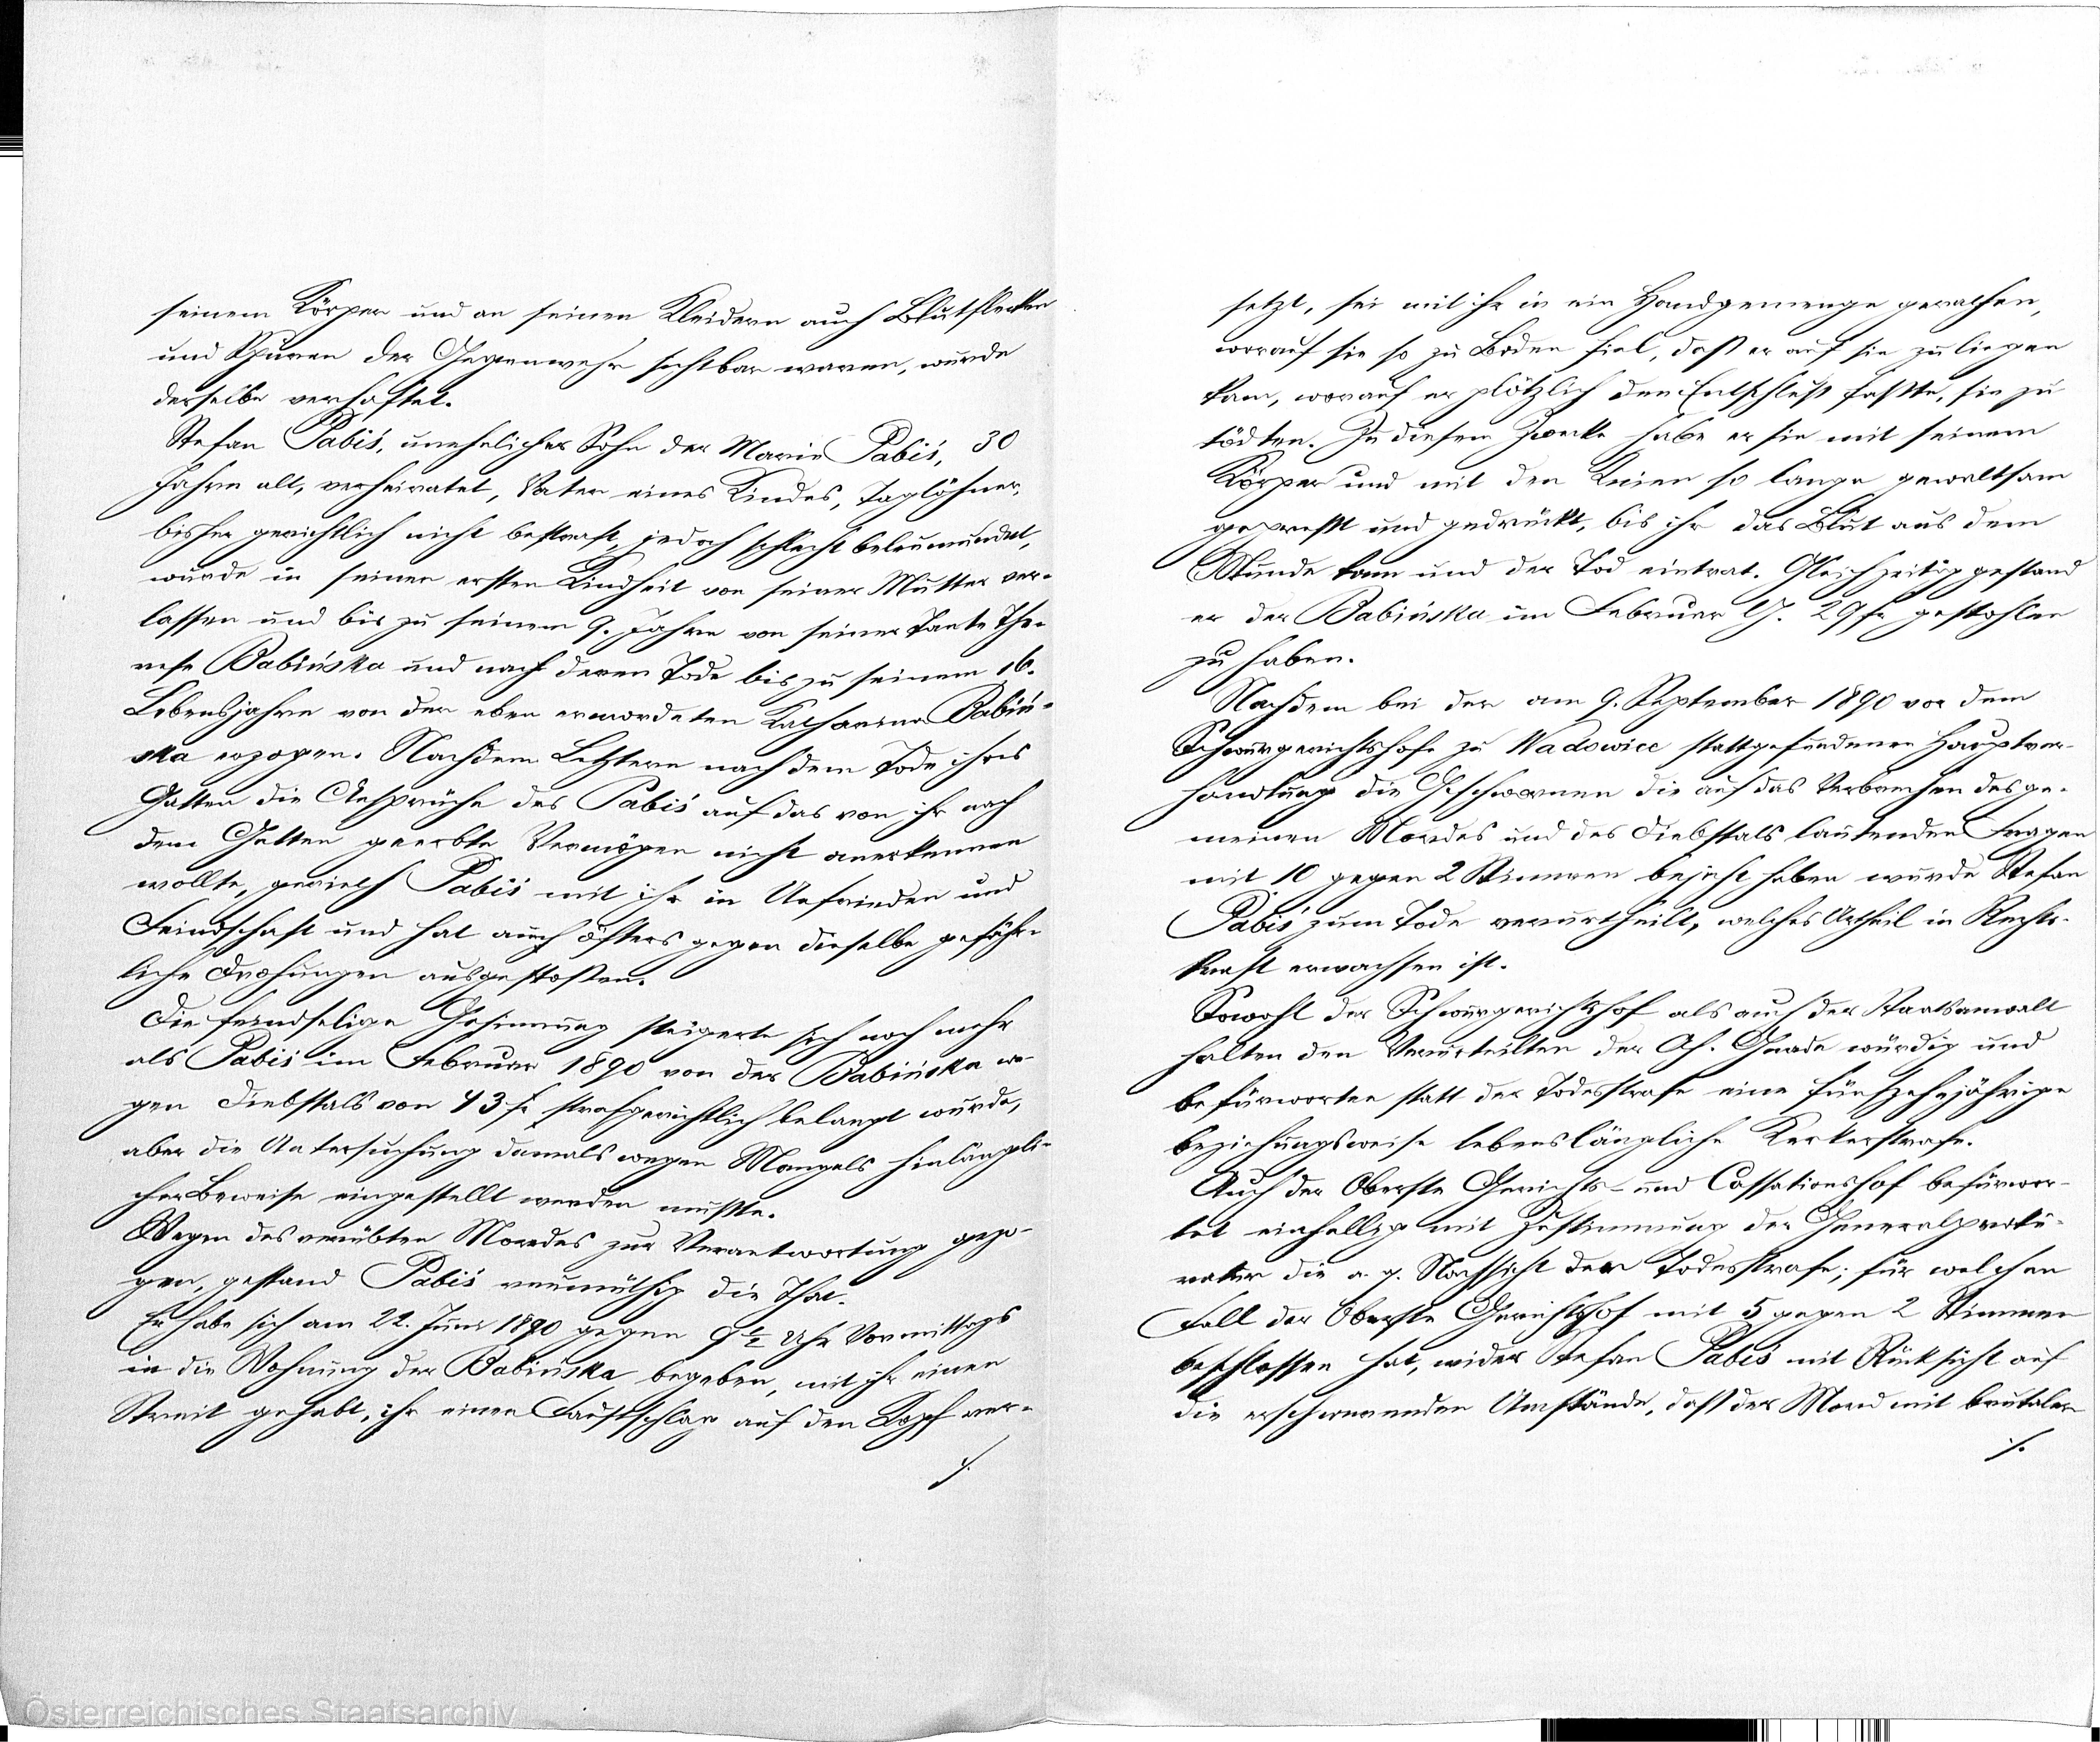seinem Körper und an seinen Kleidern auch Blutflecken
und Spuren der Gegenwehr sichtbar waren, wurde
derselbe verhaftet.
Stefan Pabiś, unehelicher Sohn der Marie Pabiś, 30
Jahre alt, verheiratet, Vater eines Kindes, Taglöhner,
bisher gerichtlich nicht bestraft, jedoch schlecht beleumundet,
wurde in seinen ersten Kindheit von seiner Mutter ver¬
lassen und bis zu seinem 9. Jahre von seiner Tante The¬
rese Babińska und nach deren Tode bis zu seinem 16.
Lebensjahre von der eben xxdeten Katharina Babiń¬
ska erzogen. Nachdem Letztere nach dem Tode ihres
Gatten die Ansprüche des Pabiś auf das von ihr nach
dem Getten geerbte Vermöge nicht anerkennen
wollte, gerieth Pabiś mit ihr in Unfrieden und
Feindschaft und hat auch öfters gegen dieselbe gefähr¬
liche Drohungen ausgestoßen.
Die Feindselige Gesinnung steigerte sich noch mehr
als Pabiś im Februar 1890 von der Babińska we¬
gen Diebstals von 43 f. strafgerichtlich belangt wurde,
aber die Untersuchung damals wegen Mangels hinlängli¬
cher Beweise eingestellt werden mußte.
Wegen des verübten Mordes zur Verantwortung gege¬
ben, gestand Pabiś reumüthig die That.
Er habe sich am 22. Juni 1890 gegen 9 1/2 Uhr Vormittags
in die Wohnung der Babińska begeben, mit ihr einen
Streit gehabt, ihr einen xx auf den Kopf ver¬
setzt, sei mit ihr in ein Handgemenge gerathen,
worauf sie so zu Boden fiel, daß er auf sie zu liegen
kam, worauf er plötzlich den Entschluß faßte, sie zu
tödten. Zu diesem Zwecke habe er sie mit seinem
Körper und mit den xx so lange gewaltsam
gepreßt und gedrückt, bis ihr das Blut aus dem
Stunde kam und der Tod eintrat. Gleichzeitig gestand
er der Babińska im Februar lJ. 29 fr gestohlen
zu haben.
Nachdem bei der am 9. September 1890 vor dem
Schwurgerichtshofe zu Wadswice stattgefundenen Haupt¬
verhandlung die Gschwarnen die auf das Verbrechen des ge¬
meinen Mordes und des Diebstals lautenden Fragen
mit 10 gegen 2 Stimmen bejaht heben wurde Stefan
Pabiś zum Tode verurtheilt, welches Urtheil in Rechts¬
knecht erwachten ist.
Sowohl der Schwurgerichtshof als auch der Staatsanwalt
halten den Verurteilten der Ah. Gnade würdig und
befürworten statt der Todesstrafe eine fünfzehejährige
Beziehungsweise lebenslängliche Kerkerstrafe.
Auch der Oberste Gerichts- und Cassationshof befürwor¬
tet einhellig mit Zustimmung der Generalproku¬
ratur die a. g. Nachsicht der Todesstrafe; für welchen
Fall der Oberste Gerichtshof mit 5 gegen 2 Stimmen
beschlossen hat, wider Stefan Pabiś mit Rücksicht auf
die erschwerenden Umstände, daß der Mord mit brutalen